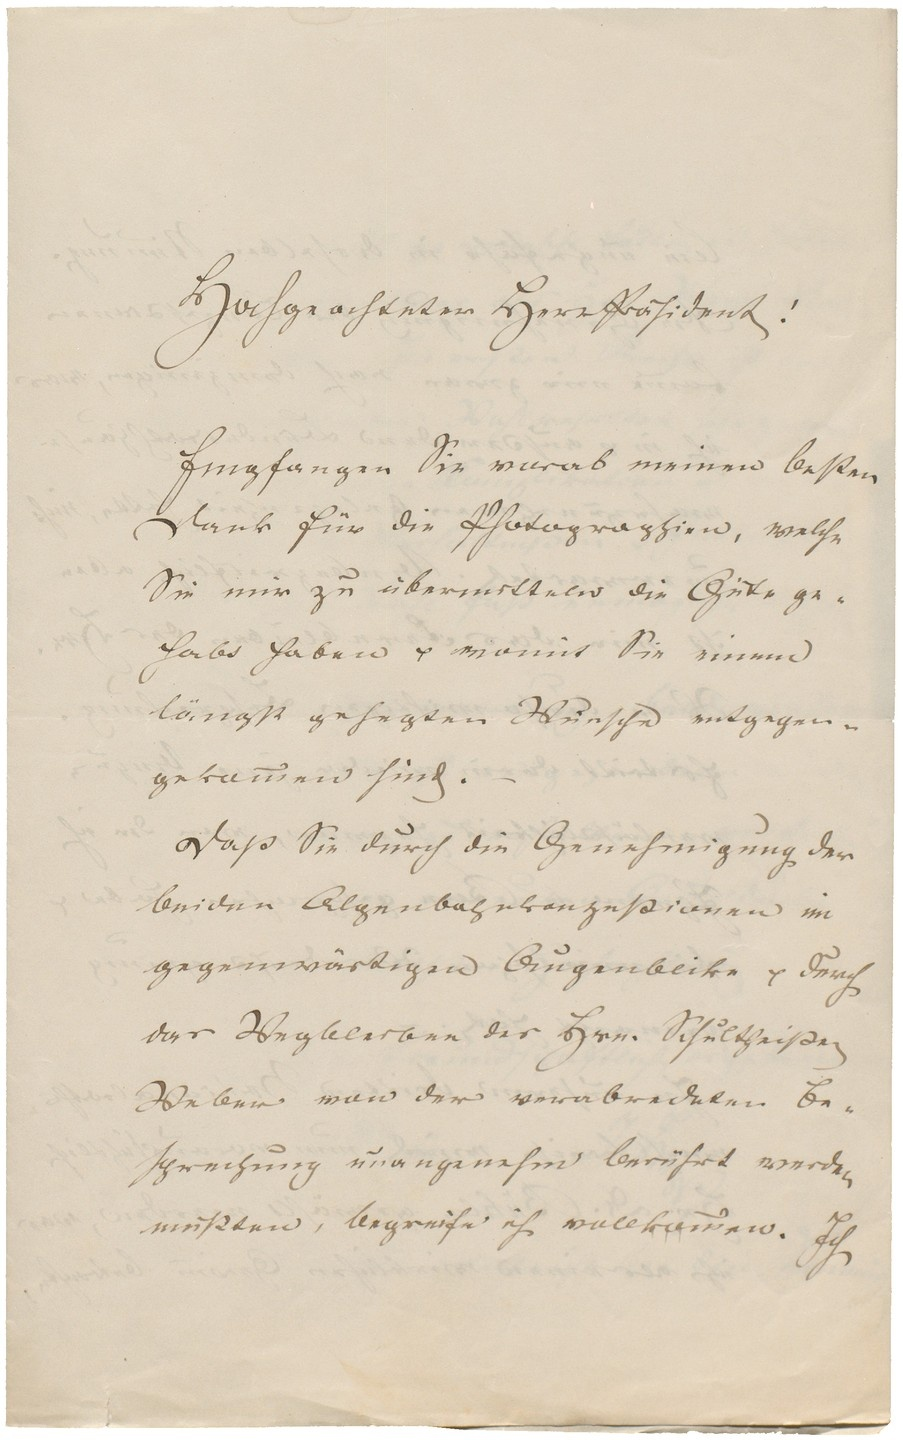Hochgeachteter Herr Präsident!
Empfangen Sie vorab meinen besten
Dank für die Photographien, welche
Sie mir zu übermittelns die Güte ge-
habt haben & womit Sie einem
längst gehegten Wünsche entgegen-
gekommen sind. –
Daß Sie durch die Genehmigung der
beiden Alpenbahnkonzessionen im
gegenwärtigen Augenblike & durch
das Wegbleiben des Hrn. Schultheißen
Weber von der verabredeten Be-
sprechung unangenehm berührt werden
mußten, begreife ich vollkommen. Ich